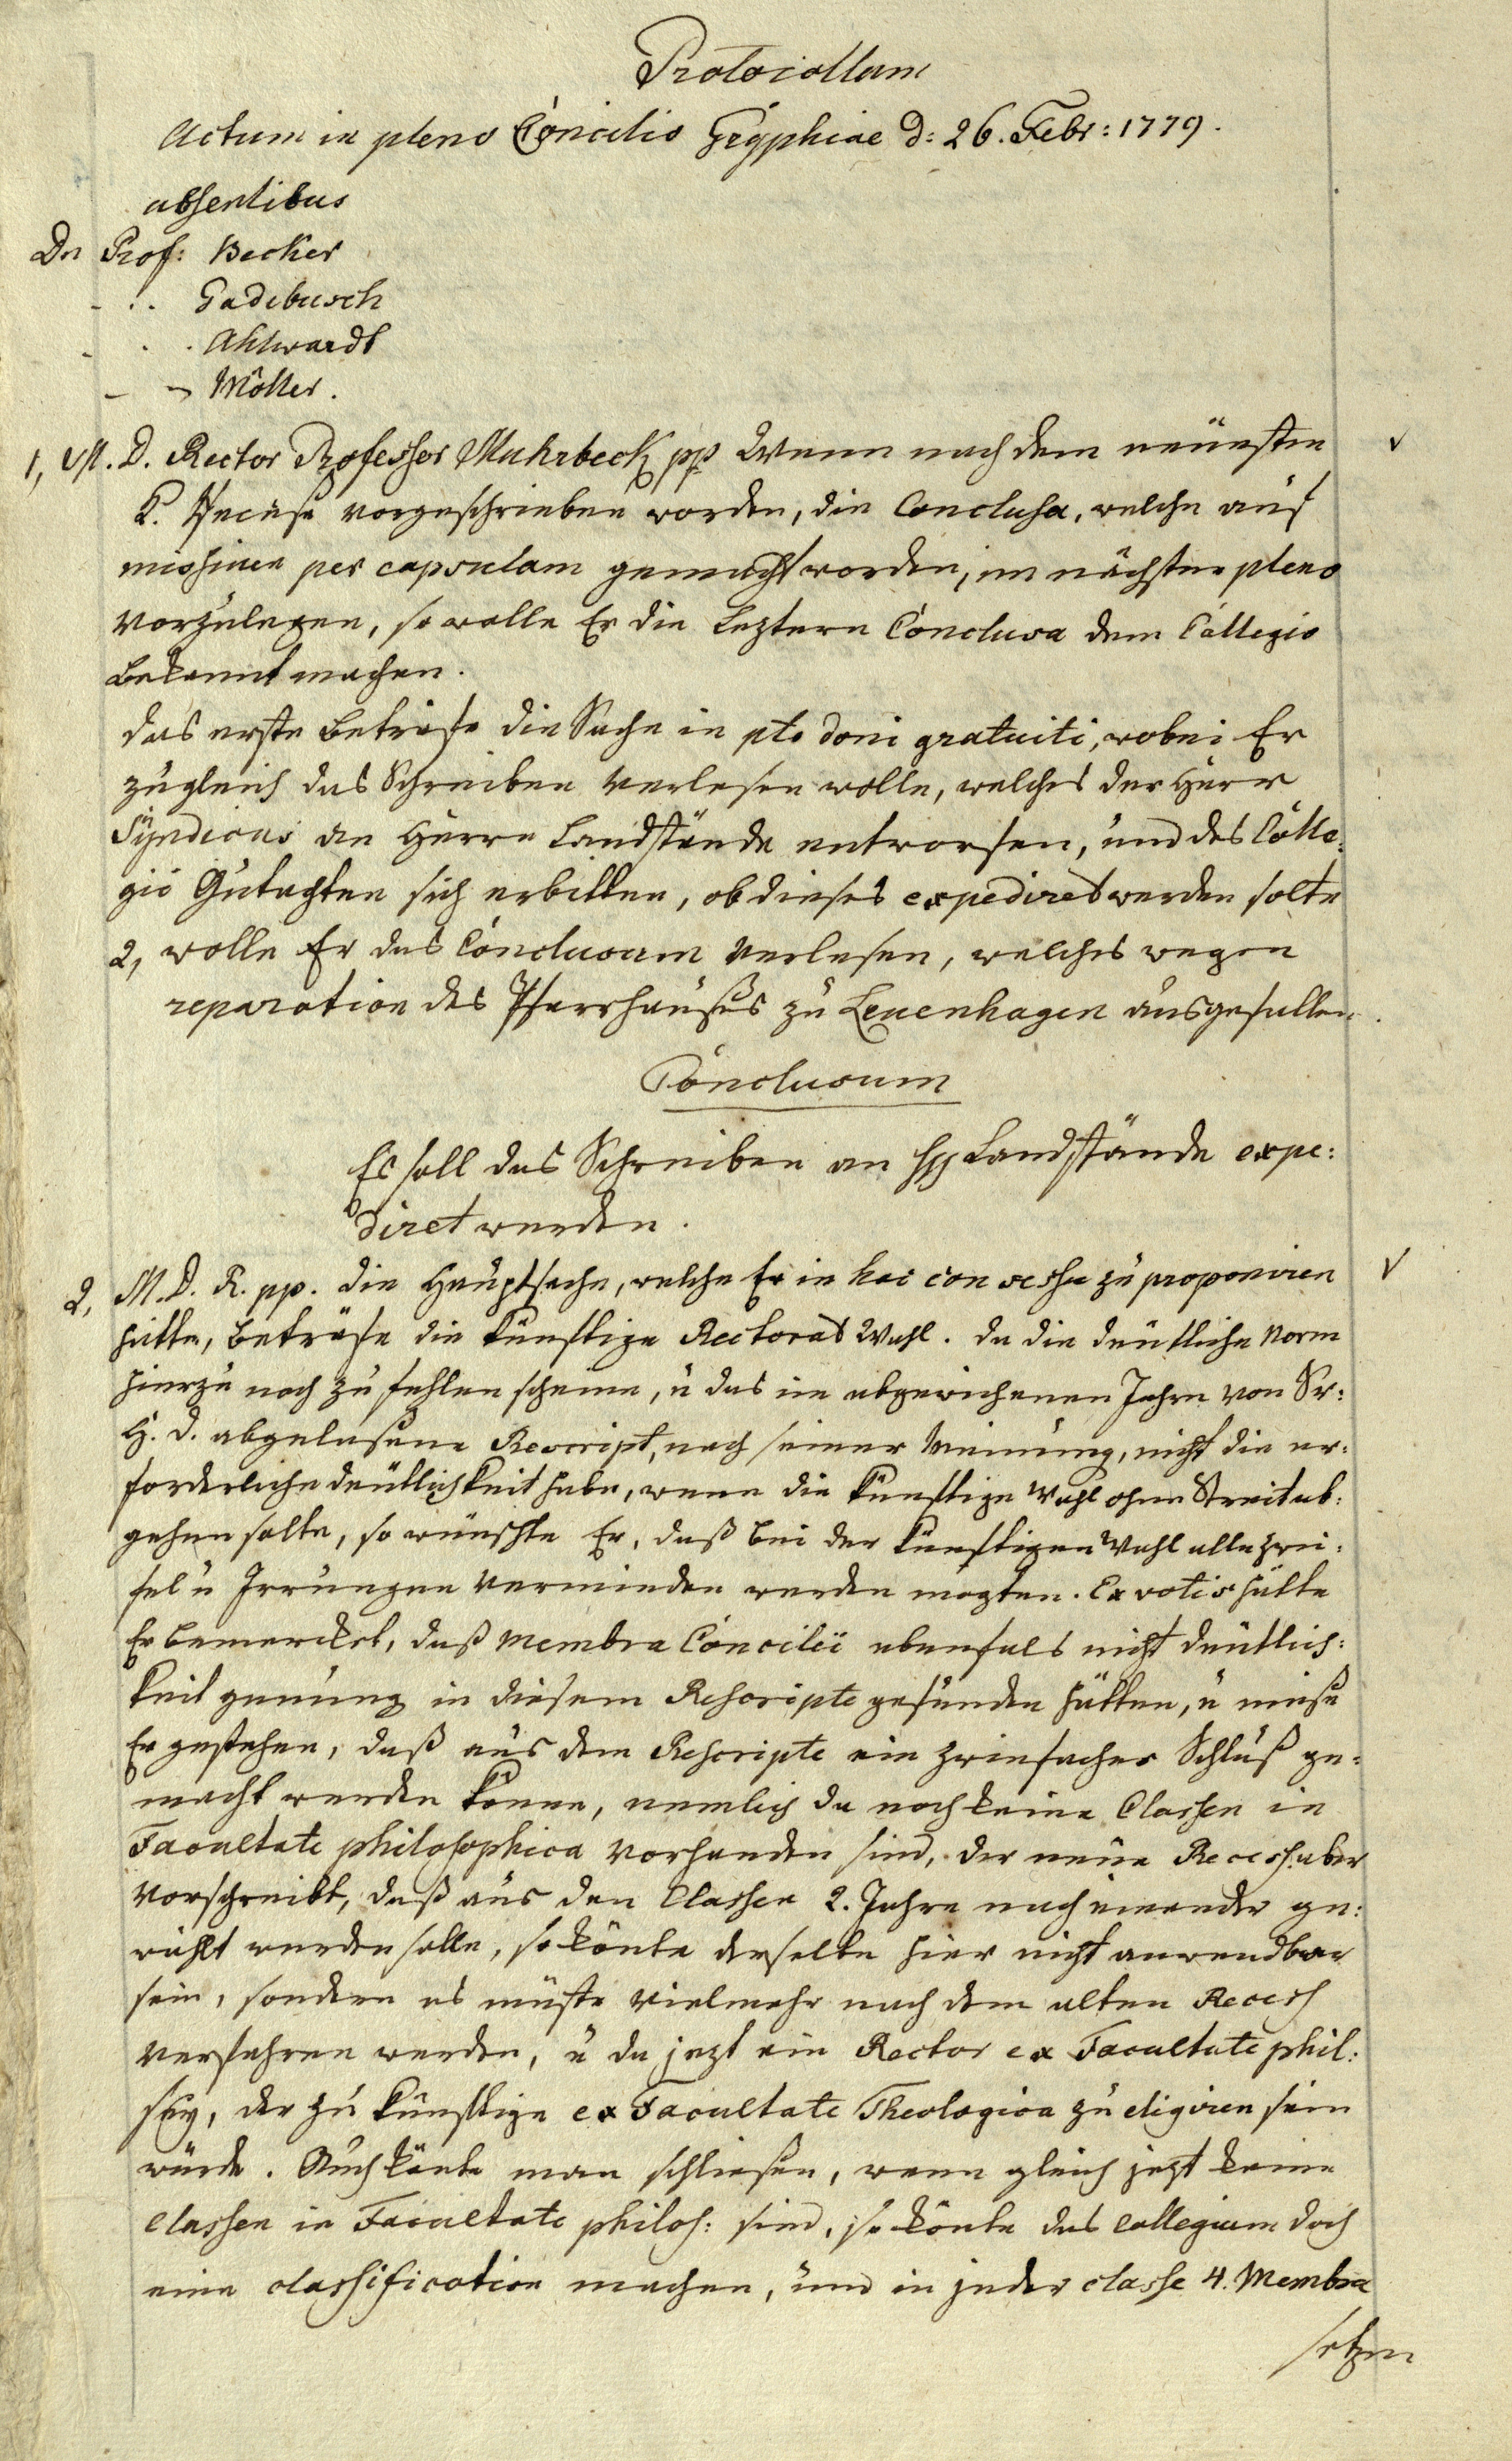Protocollum
Actum in pleno Concilio Grÿphiae d. 26. Febr. 1779.
absentibus
Dn Prof. Becker
Gadebusch
Ahlwardt
Möller.
1, M. D. Rector Professor Muhrbeck pp. Wenn nach dem neuesten
K. Receße vorgeschrieben worden, die Conclusa, welche auf
missima per capsulam gemacht worden, im nächsten pleno
vorzulegen, so wolle Er die leztern Conclusa dem Collegio
bekannt machen.
Das erste beträfe die Sachen in pto doni gratuiti, wobei Er
zugleich das Schreiben verlesen wolle, welches der Herr
Sÿndicus den Herrn Landstände entworfen, und des Colle¬
gii Gutachten sich erbitten, ob dieses expediret werden solte
2, wolle Er das Conclusum verlesen, welches wegen
reparation des Pfarrhauses zu Levenhagen ausgefallen.
Conclusum
Es soll das Schreiben an H Landstände expe¬
diret werden.
2. M. D. R. pp. die Hauptsache, welche Er in hoc consessu zu proponiren
hätte, beträfe die künftige Rectorat Wahl. da die deutliche Norm
hierzu noch zu fehlen scheine, u das im abgewichenen Jahre von Sr
H. d. abgelaßene Rescript, nach seiner Meinung, nicht die er¬
forderliche Deutlichkeit habe, wenn die künftige Wahl ohne Streit ab¬
gehen solte, so wünschte Er, daß bei der künftigen Wahl alle Zwei¬
fel u Irrungen vermieden werden mögten. Ex votis hätte
Er bemercket, daß membra Concilii ebenfals nicht Deutlich¬
keit genung in diesem Rescripte gefunden hätten, u müße
Er gestehen, daß aus dem Rescripte ein zweifacher Schluß ge¬
macht werden könne, nemlich da noch keine Classen in
Facultate philosophica vorhanden sind, der neue Receß aber
vorschreibt, daß aus den Classen 2. Jahre nacheinander ge¬
wählt werden solle, so könte derselbe hier nicht anwendbar
sein, sondern es müste vielmehr nach dem alten Recess
verfahren werden, u da jezt ein Rector ex Facultate phil.
seÿ, der zu künftige ex Facultate Theologiae zu eligiren sein
würde. Auch könte man schließen, wenn gleich jezt keine
Classen in Facultate philos. sind, so könte das collegium doch
eine classification machen, und in jeder classe 4 Membra
setzen